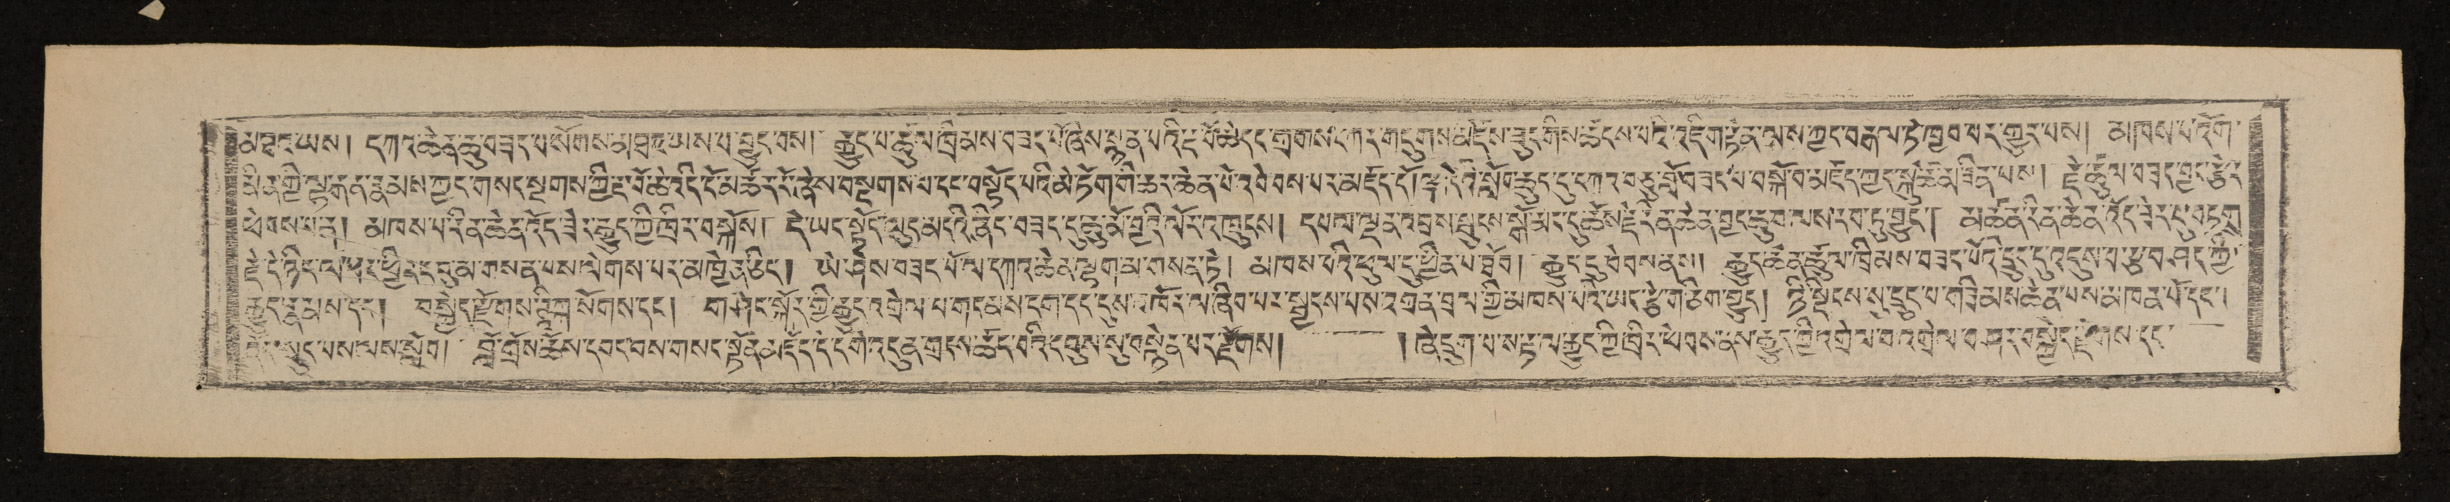མཐའ་ཡས། དཀའ་ཆེན་ཆུ་བཟང་པ་སོགས་མཐའ་ཡས་པ་བྱུང་བས། རྒྱུད་པ་ཚུལ་ཁྲིམས་བཟང་པོ་ཞེས་སྙན་པའི་རྔ་བོ་ཆེ་དང་གྲགས་དཀར་གདུགས་མཛེས་ཟུང་གིས་ཚངས་པའི་འཇིག་རྟེན་ལས་ཀྱང་བརྒལ་ཏེ་ཁྱབ་པར་གྱུར་པས། མཁས་པ་འོག་
མིན་གྱི་ལྷ་རྒན་རྣམས་ཀྱང་གསང་སྔགས་ཀྱི་རྡ་བོ་ཆེ་འདི་ངོ་མཚར་རོ་ཞེས་བསྔགས་པ་དང་བསྟོད་པའི་མེ་ཏོག་གི་ཆར་ཆེན་པོ་འབེབས་པར་མཛད་དོ། ༈ །དེའི་སློབ་ཆུང་ངུ་དཀའ་བཅུ་བློ་བཟང་པ་བསྐོ་བ་མཛད་ཀྱང་སྐུ་ཚེ་མ་ཟིན་པས། རྗེ་ཚུལ་བཟང་བྱང་རྩེར་
ཕེབས་པ་ན། མཁས་པ་རིན་ཆེན་འོད་ཟེར་རྒྱུད་ཀྱི་ཁྲིར་བསྐོས། དེ་ཡང་སྟོད་ལུང་མདའི་ཞིང་བཟང་དུ་ཆེ་མོ་བྱའི་ལོར་འཁྲུངས། དཔལ་ལྡན་འབྲས་སྤུངས་སྒོ་མང་དུ་ཆོས་རྗེ་རིན་ཆེན་བྱང་ཆུབ་ལས་རབ་ཏུ་བྱུང་། མཚན་རིན་ཆེན་འོད་ཟེར་དུ་བཏགས་
རྗེ་དེ་ཉིད་ལ་ཕར་ཕྱིན་དབུ་མ་གསན་པས་ལེགས་པར་མཁྱེན་ཅིང་། ཡེ་ཤེས་བཟང་པོ་ལ་དཀའ་ཆེན་ལྷག་མ་གསན་ཏེ། མཁས་པའི་ཕུལ་དུ་ཕྱིན་པ་ཐོབ། རྒྱུད་དུ་ཕེབས་ནས། རྒྱུད་ཆེན་ཚུལ་ཁྲིམས་བཟང་པོའི་དྲུང་དུ་འདུས་པ་རྩ་བཤད་ཀྱི་
རྒྱུད་རྣམས་དང་། བསྐྱེད་རྫོགས་ཊཱིཀ་སོགས་དང་། གཤེད་སྐོར་གྱི་རྒྱུད་འགྲེལ་བ་གདམས་ངག་དང་དུས་འཁོར་ལ་ཞིབ་པར་སྦྱངས་པས་འགྲན་བྲལ་གྱི་མཁས་བའི་ཡང་རྩེ་གཅིག་བྱུང་། ཉི་སྡིངས་སུ་དྲུང་བ་གཟིམས་ཆེན་པས་མཁན་པོ་དང་།
འོད་སྲུང་པས་ལས་སློབ། བློ་གྲོས་ཆོས་དབང་བས་གསང་སྟོན་མཛད་དེ་དགེ་འདུན་གྲངས་ཚང་བའི་དབུས་སུ་བསྙེན་པར་རྫོགས། ཞེ་དྲུག་པས་རྟ་ལ་རྒྱུད་ཀྱི་ཁྲིར་ཕེབས་ནས་རྒྱུད་ཀྱི་འགྲེལ་བ་འགྲེལ་བཤད་བསྐྱེད་རྫོགས་དང་